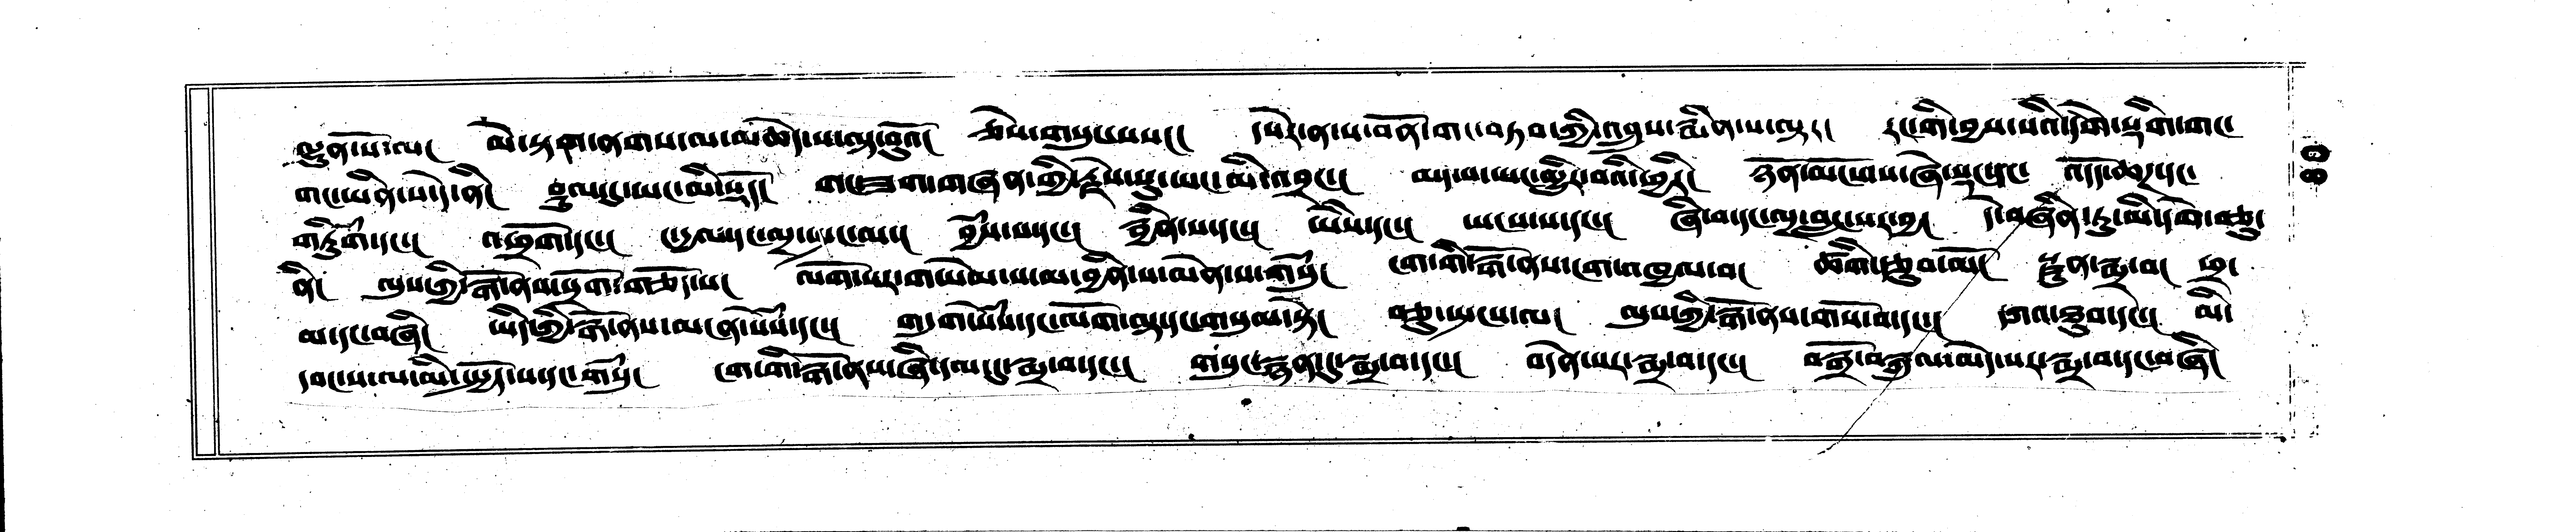ལྷུན་པོ་ལ། མེ་སྟག་ནགས་ལ་མཆེད་པ་ལྟ་བུའོ། །ཅེས་གསུངས་པས། དཔེར་ན་ས་བོན་གང་བཏབ་ཀྱི་འབྲས་བུ་སྨིན་པ་ལྟར། རང་གིས་བྱས་པའི་དགེ་སྡིག་གང་
ཡིན་པ་དེ་ནི། ཤུལ་དུ་ཡང་མི་སྡོད། གང་ཟག་གཞན་གྱི་རྗེས་སུ་ཡང་མི་འབྲང་། མེད་པ་ཡང་མི་འགྱུར་བའི་ཕྱིར། ཉོན་མོངས་པ་ཞེ་སྡང་དང་འདོད་ཆགས་དང་
གཏི་མུག་དང་ང་རྒྱལ་དང་ལྔ་སྤངས་ལ། བྱམས་པ་དང་སྦྱིན་པ་དང་ཡེ་ཤེས་དང་ཡངས་པ་དང་ཞི་བ་དང་ལྔ་བླང་བར་བྱ། དེ་བཞིན་དུ་མི་དགེ་བཅུ་
ནི། ལུས་ཀྱི་སྒོ་ནས་སྲོག་གཅོད་པ། ལོག་པར་གཡེམ་པ། མ་བྱིན་པ་ལེན་པ་གསུམ། ངག་གི་སྒོ་ནས་ངག་འཁྱལ་བ། ཚིག་རྩུབ་མོ། རྫུན་སྨྲ་བ། ཕྲ་
མ་དང་བཞི། ཡིད་ཀྱི་སྒོ་ནས་མངན་སེམས་དང་། གདུག་སེམས་དང་ལོག་ལྟ་དང་གསུམ་སྟེ་བཅུ་སྤངས་ལ། ལུས་ཀྱི་སྒོ་ནས་གསོ་བ་དང་དཀའ་ཐུབ་དང་། མི་
དབང་བ་ལ་མི་སྤྱོད་པ་དང་གསུམ། ངག་གི་སྒོ་ནས་ཞི་དལ་དུ་སྨྲ་བ་དང་། གསུང་སྙན་དུ་སྨྲ་བ་དང་། བདེན་པར་སྨྲ་བ་དང་། སྒྲོ་སྐུར་མེད་པར་སྨྲ་བ་དང་བཞི།